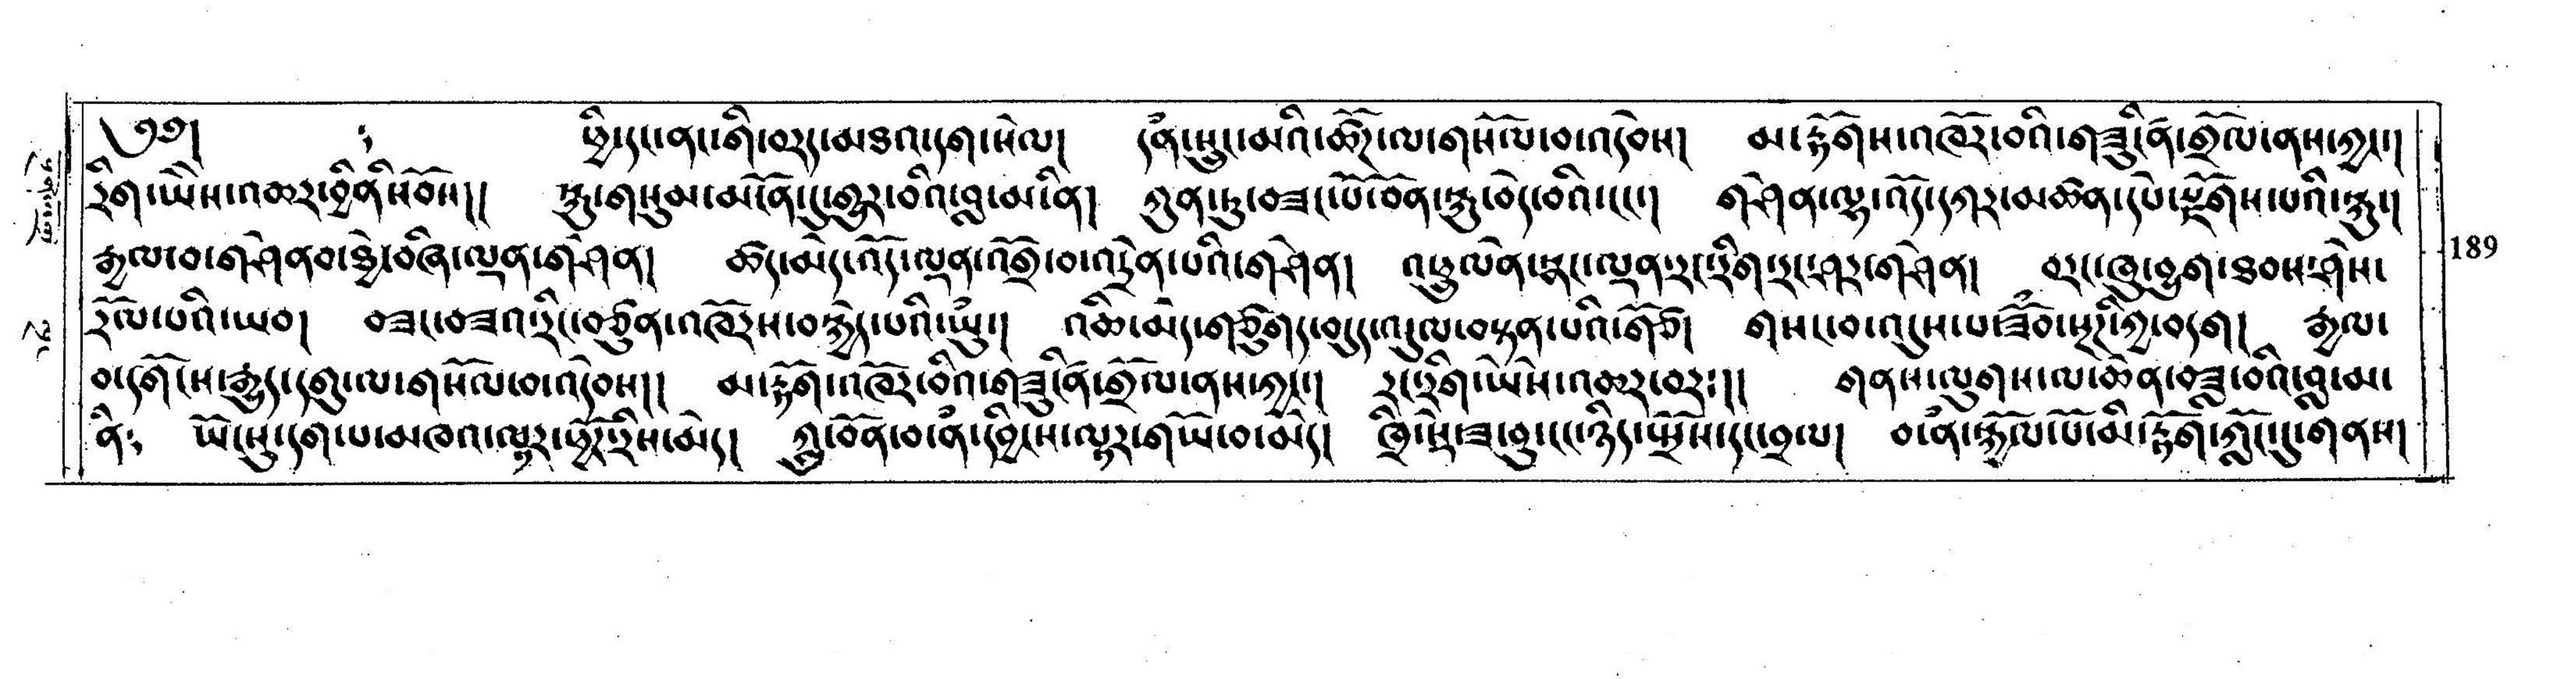ཕྱི་དང་ནང་གི་བར་ཆད་མཐའ་དག་སེལ། དམ་ཅན་སྲུང་མའི་ཚོགས་ལ་གསོལ་བ་འདེབས། མ་རྟོགས་འཁོར་བའི་གཟུང་འཛིན་གྲོལ་ནས་ཀྱང་། 
རང་རིག་ཡེ་ཤེས་འཆར་བར་བྱིན་གྱིས་རློབས། སྐུ་གསུམ་མངོན་དུ་གྱུར་པའི་བླ་མ་ནི། ཀུན་ཏུ་བཟང་པོ་བོན་སྐུ་བདེ་བའི་ངང་། གཤེན་ལྷ་འོད་དཀར་མཚན་དཔེ་རྫོགས་པའི་སྐུ། 
རྒྱལ་བ་གཤེན་རབ་ཐུགས་རྗེ་བཞི་ལྡན་གཤེན། ཚད་མེད་འོད་ལྡན་འགྲོ་བ་འདྲེན་པའི་གཤེན། འཕྲུལ་གཤེན་སྣང་ལྡན་རང་རིག་རང་ཤར་གཤེན། བར་སྣང་ཁུ་བྱུག་ཐབས་ཤེས་
རོལ་པའི་ཡབ། བཟང་བཟའ་རིང་བཙུན་འཁོར་འདས་བསྐྱེད་པའི་ཡུམ། འཆི་མེད་གཙུག་ཕུད་བདུད་འདུལ་བསྟན་པའི་གཙོ། གསང་བ་འདུས་པ་ཟབ་མོ་སྔགས་ཀྱི་བདག རྒྱལ་
བ་དགོངས་རྒྱུད་དགུ་ལ་གསོལ་བ་འདེབས།། མ་རྟོགས་འཁོར་བའི་གཟུང་འཛིན་གྲོལ་ནས་ཀྱང་། རང་རིག་ཡེ་ཤེས་འཆར་བར༴།། གནས་ལུགས་ལ་ཆེན་བཟླ་བའི་བླ་མ་
ནི། ཡོངས་སུ་དག་པ་མཁའ་ལྟར་ཕྱོགས་རིས་མེད། ཀླུ་བོན་བ་ནམ་དབྱིངས་ལྟར་གཡོ་བ་མེད། ཁྲི་སྡེ་ཟབ་བུ་ངང་ཉིད་སྤྲོས་དང་བྲལ། བ་ནམ་སྐྱོལ་པོ་མི་རྟོག་ཀློང་དུ་གནས།